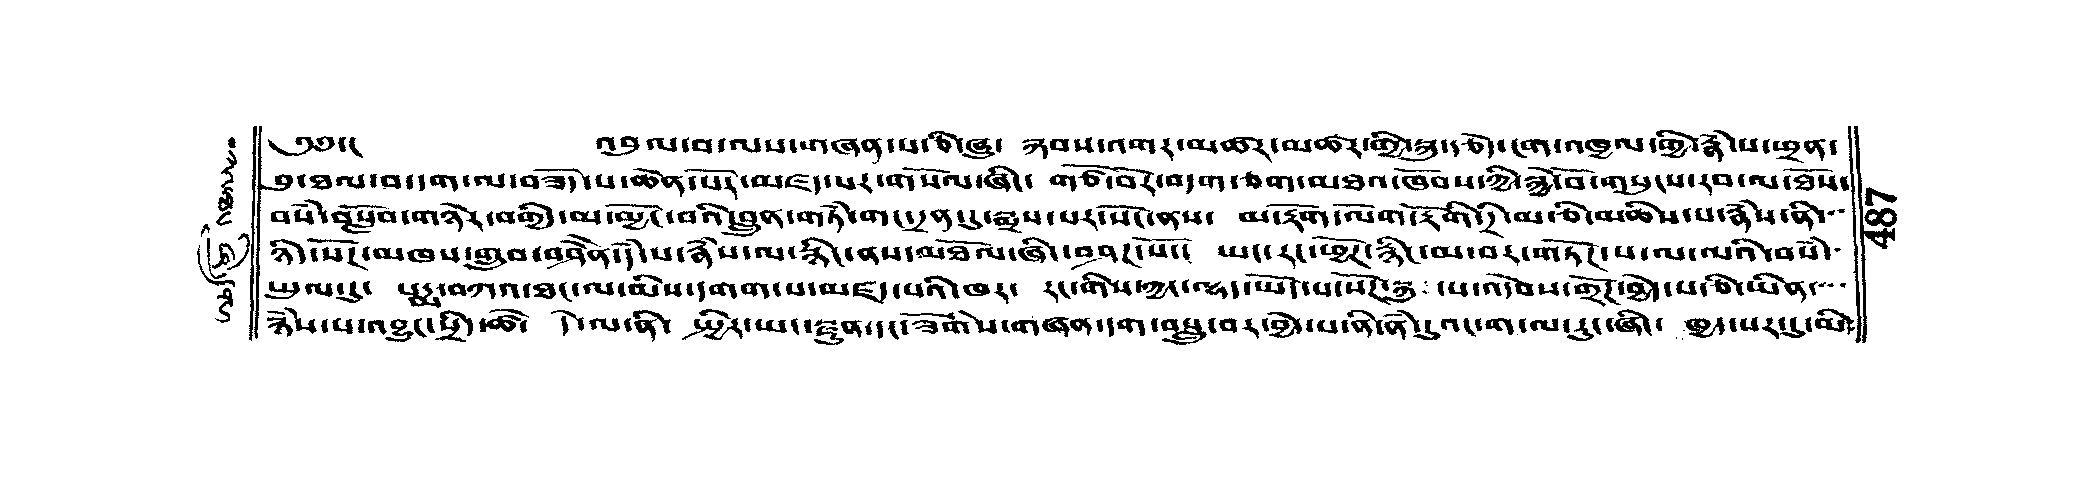འབུལ་བ་ལས་གཞན་པ་ཅི་ཞུ། སྐབས་འགར་མཚར་མཚར་གྱི་སྐུ་རྩེད་ངག་འཁྱལ་གྱི་རྣམ་པ་ཕྲན་
བུ་ཐལ་བ་དག་ལ་བཟོད་པ་ཆེན་པོར་མཛད་པར་གསོལ་ཞིང་། གཙོ་བོར་བདག་ཅག་མཐའ་ཁོབས་ཀྱི་སྐྱེ་བོ་གསུངས་རབ་ལ་ཐོས་
བསམ་བསློབ་གཉེར་བགྱིད་མ་མྱོང་བའི་བླུན་གཏམ་གང་དྲན་དུ་སྨྲས་པར་སོང་ནས། མ་རྟོགས་ལོག་རྟོག་གི་དྲི་མ་ཅི་མཆིས་པ་རྣམས་ནི་
ཉིད་སོགས་མཁས་གྲུབ་བཤེས་གཉེན་དམ་པ་རྣམས་ལ་སྙིང་ནས་མཐོལ་ཞིང་བཤགས་སོ། ཡང་རང་ཕྱོགས་རྙིང་མ་བར་གཏོགས་པ་ལ་ལའི་བསམ་
ཡུལ་དུ། པདྨ་བཀའ་ཐང་ལ་མིས་དགག་པ་མཛད་པའི་ཁར། རང་གིས་ཀྱང་ལྷད་ཡོད་པ་སོགས་བསྐུར་པ་འདེབས་གྲོགས་བྱེད་པ་ཅི་ཡིན་
སྙམས་པ་འབྱུང་སྲིད་ཚེ། དེ་ལ་ནི། སྤྱིར་ཡང་རྫུན་དང་ཟོག་གིས་གཞན་དག་བསླུ་བར་བྱེད་པ་ནི་ནམ་དུའང་ག་ལ་རུང་ཞིང་། ཁྱད་པར་དུ་མི་